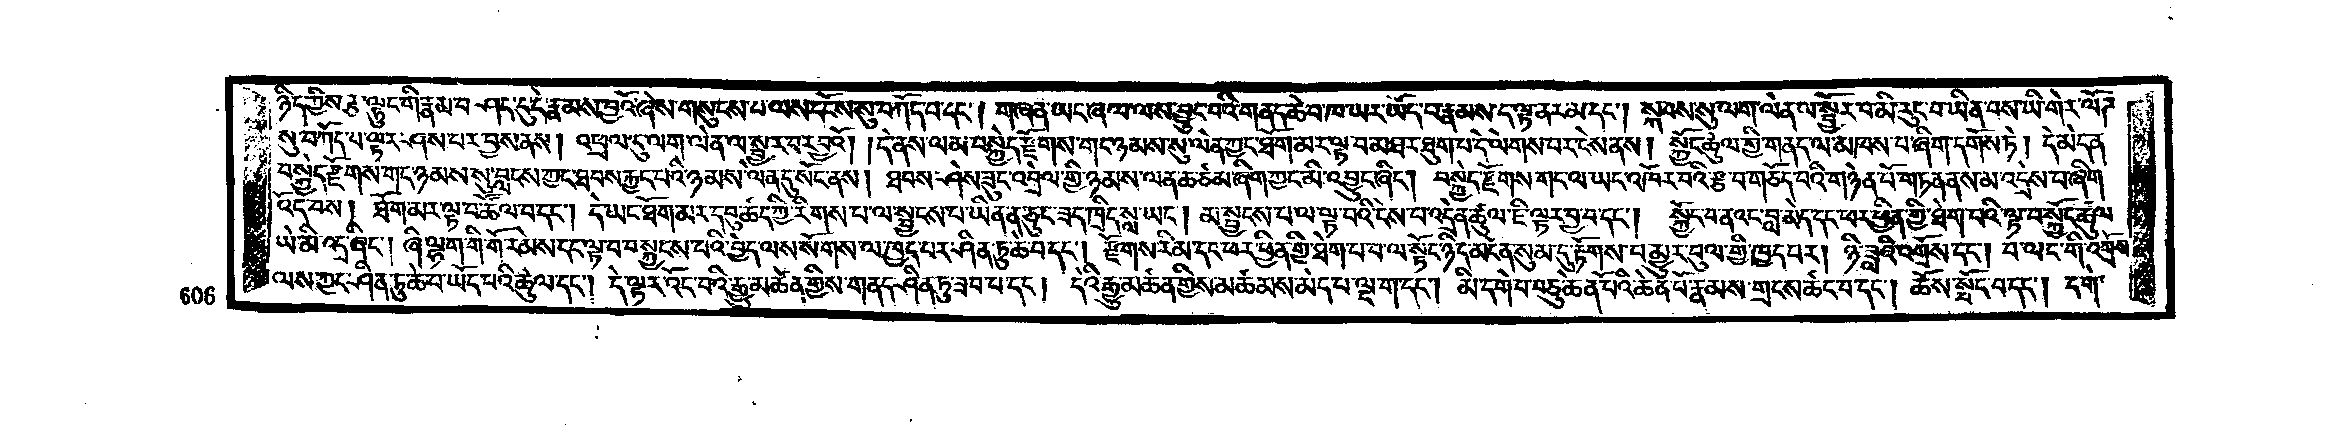ཉིད་ཀྱིས་རྩ་ལྟུང་གི་རྣམ་བཤད་དུ་དེ་རྣམས་བྱའོ་ཞེས་གསུངས་པ་ལས་དངོས་སུ་བཀོད་པ་དང་། གཞན་ཡང་ཞལ་ལས་བྱུང་བའི་གནད་ཆེ་བ་ཁ་ཡར་ཡོད་པ་རྣམས་ད་ལྟ་ནར་མ་དང་། སྐབས་སུ་བག་ལེན་ལ་སྦྱོར་བ་མི་རུང་བ་ཡིན་པས་ཡི་གེར་ལོགས་
སུ་བཀོད་པ་ལྟར་ཤེས་པར་བྱས་ནས། འཕྲལ་དུ་ལག་ལེན་ལ་སྦྱར་བར་བྱའོ། །དེ་ནས་ལམ་བསྐྱེད་རྫོགས་གང་ཉམས་སུ་ལེན་ཀྱང་ཐོག་མར་ལྟ་བ་མཐར་ཐུག་པ་དེ་ལེགས་པར་ངེས་ནས། སྐྱོང་ཚུལ་གྱི་གནང་ལ་མཁས་པ་ཞིག་དགོས་ཏེ། དེ་མེད་ན་
བསྐྱེད་རྫོགས་གང་ཉམས་སུ་བླངས་ཀྱང་ཐབས་རྐྱང་པའི་ཉམས་ལེན་དུ་སོང་ནས། ཐབས་ཤེས་ཟུང་འབྲེལ་གྱི་ཉམས་ལན་ཆ་ཙམ་ཞིག་ཀྱང་མི་འབྱུང་ཞིང་། བསྐྱེད་རྫོགས་གང་ལ་ཡང་འཁོར་བའི་རྩ་བ་གཅོད་པའི་གཉེན་པོ་གཏན་ནས་མ་འདྲེས་པ་ཞིག་
འོང་བས། ཐོག་མར་ལྟ་བ་ཚོལ་བ་དང་། དེ་ཡང་ཐོག་མར་དབུ་ཚད་ཀྱི་རིགས་པ་ལ་སྦྱངས་པ་ཡིན་ན་ཅུང་ཟད་ཁྲིད་སླ་ཡང་། མ་སྦྱངས་པ་ལ་ལྟ་བའི་ངེས་པ་འདྲེན་ཚུལ་ཇི་ལྟར་བྱ་བ་དང་། སྐྱོང་བ་ནའང་བླ་མེད་དང་ཕར་ཕྱིན་གྱི་ཐེག་པའི་ལྟ་བ་སྐྱོང་ཚུལ་
ཡེ་མི་འདྲ་ཞིང་། ཞི་ལྷག་གི་གོ་རིམས་དང་ལྟ་བ་བསྐྱངས་པའི་བྱེད་ལས་སོགས་ལ་ཁྱད་པར་ཤིན་ཏུ་ཆེ་བ་དང་། རྫོགས་རིམ་དང་ཕར་ཕྱིན་གྱི་ཐེག་པ་བ་ལ་སྟོང་ཉིད་མངོན་སུམ་དུ་རྟོགས་པ་མྱུར་བུལ་གྱི་ཁྱད་པར། ཉི་ཟླའི་འགྲོས་དང་། བ་ལང་གི་འགྲོས་
ལས་ཀྱང་ཤིན་ཏུ་ཆེ་བ་ཡོད་པའི་ཚུལ་དང་། དེ་ལྟར་འོང་བའི་རྒྱུ་མཚན་གྱིས་གནད་ཤིན་ཏུ་ཟབ་པ་དང་། དེའི་རྒྱུ་མཚན་གྱིས་མཚམས་མེད་པ་ལྔ་ག་དང་། མི་དགེ་བ་བཅུ་ཆེན་པོའི་ཆེན་པོ་རྣམས་གྲངས་ཚང་བ་དང་། ཆོས་སྤོང་བ་དང་། དགེ་